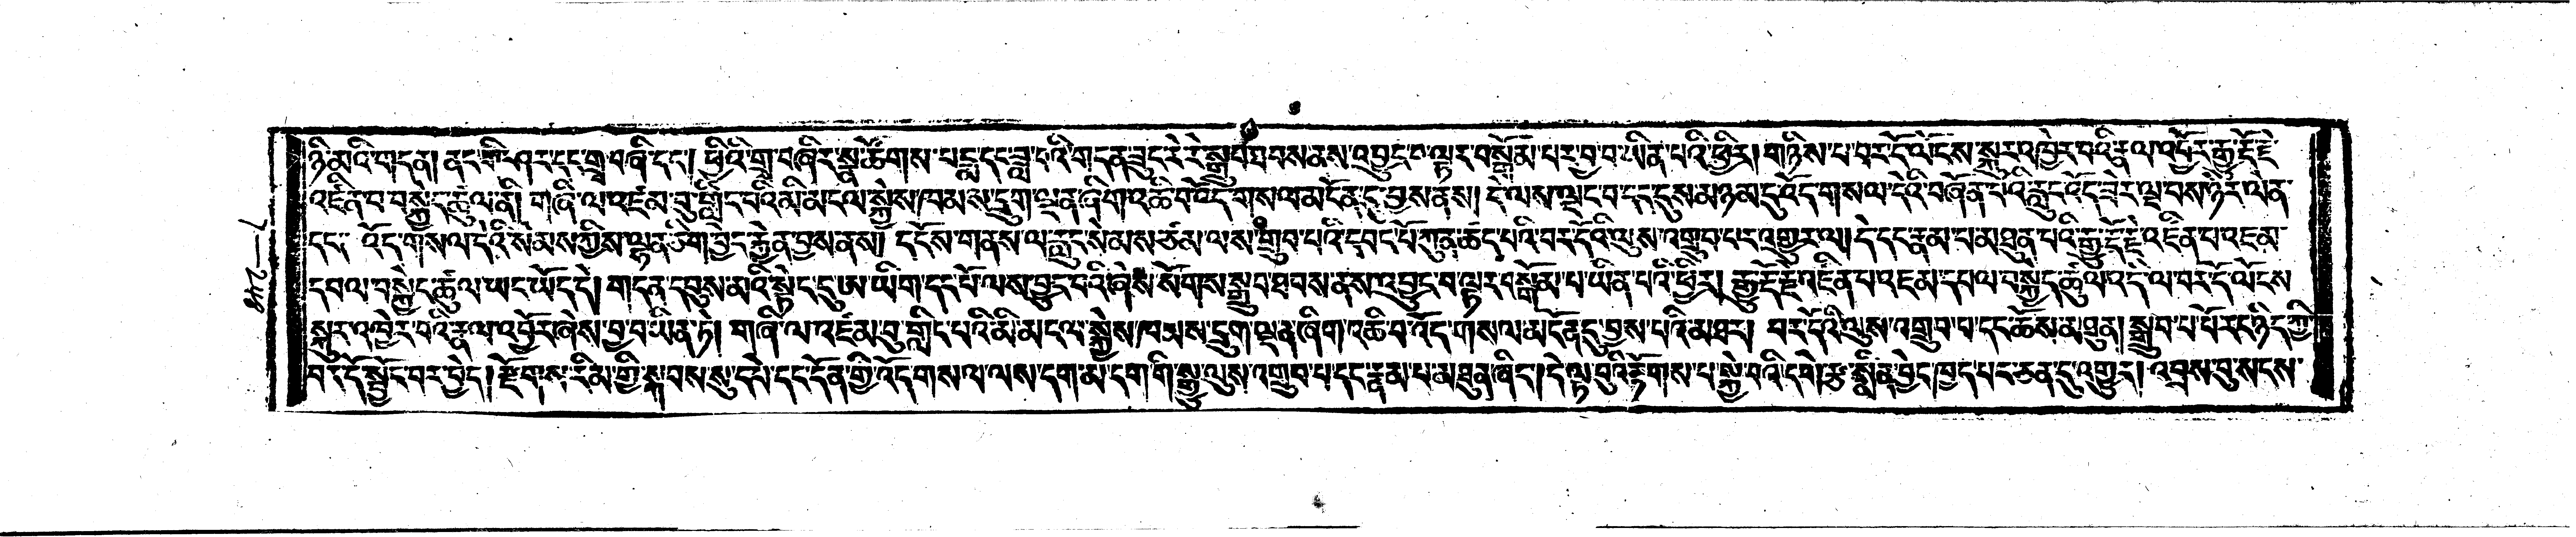ཉི་མའི་གདན། ནང་གི་ཤར་དང་གྲྭ་བཞི་དང་། ཕྱིའི་གྲྭ་བཞིར་སྣ་ཚོགས་པདམ་དང་ཟླ་བའི་གདན་ཟུང་རེ་རེ་སྒྲུབ་ཐབས་ནས་འབྱུང་བ་ལྟར་བསྒོམ་པར་བྱ་བ་ཡིན་པའི་ཕྱིར། གཉིས་པ་བར་དོ་ལོངས་སྐུར་འཁྱེར་བའི་རྣལ་འབྱོར་རྒྱུ་རྡོ་རྗེ་
འཛིན་པ་བསྐྱེད་ཚུལ་ནི། གཞི་ལ་འཛམ་བུ་གླིང་པའི་མི་མངལ་སྐྱེས་ཁམས་དྲུག་ལྡན་ཞིག་འཆི་བ་འོད་གསལ་མངོན་དུ་བྱས་ནས། དེ་ལས་ལྡང་བ་དང་དུས་མཉམ་དུ་འོད་གསལ་དེའི་བཞོན་པའི་རླུང་འོད་ཟེར་ལྔ་བས་ཉེར་ལེན་
དང༑ འོད་གསལ་དེའི་སེམས་ཀྱིས་ལྷན་ཅིག་བྱེད་རྐྱེན་བྱས་ནས། དངོས་གནས་ལ་རླུང་སེམས་ཙམ་ལས་གྲུབ་པའི་དབང་པོ་ཀུན་ཚང་བའི་བར་དོའི་ལུས་འགྲུབ་པར་འགྱུར་ལ། དེ་དང་རྣམ་པ་མཐུན་པའི་རྒྱུ་རྡོ་རྗེ་འཛིན་པ་འཇམ་
དཔལ་བསྐྱེད་ཚུལ་ཡང་ཡོད་དེ། གདན་དབུས་མའི་སྟེང་དུ་ཨ་ཡིག་དང་པོ་ལས་བྱུང་བའི་ཞེས་སོགས་སྒྲུབ་ཐབས་ནས་འབྱུང་བ་ལྟར་བསྒོམ་པ་ཡིན་པའི་ཕྱིར། རྒྱུ་རྡོ་རྗེ་འཛིན་པ་འཇམ་དཔལ་བསྐྱེད་ཚུལ་འདི་ལ་བར་དོ་ལོངས་
སྐུར་འཁྱེར་བའི་རྣལ་འབྱོར་ཞེས་བྱ་བ་ཡིན་ཏེ། གཞི་ལ་འཛམ་བུ་གླིང་པའི་མི་མངལ་སྐྱེས་ཁམས་དྲུག་ལྡན་ཞིག་འཆི་བ་འོད་གསལ་མངོན་དུ་བྱས་པའི་མཐར། བར་དོའི་ལུས་འགྲུབ་པ་དང་ཆོས་མཐུན། སྒྲུབ་པ་པོ་རང་ཉིད་ཀྱི་
བར་དོ་སྤྱོད་བར་བྱེད། རྫོགས་རིམ་གྱི་སྐབས་སུ་དཔེ་དང་དོན་གྱི་འོད་གསལ་ལས་དག་མ་དག་གི་སྒྱུ་ལུས་འགྲུབ་པ་དང་རྣམ་པ་མཐུན་ཞིང་། དེ་ལྟ་བུའི་རྟོགས་པ་སྐྱེ་བའི་དགེ་རྩ་སྨིན་བྱེད་ཁྱད་པར་ཅན་དུ་འགྱུར། འབྲས་བུ་སངས་